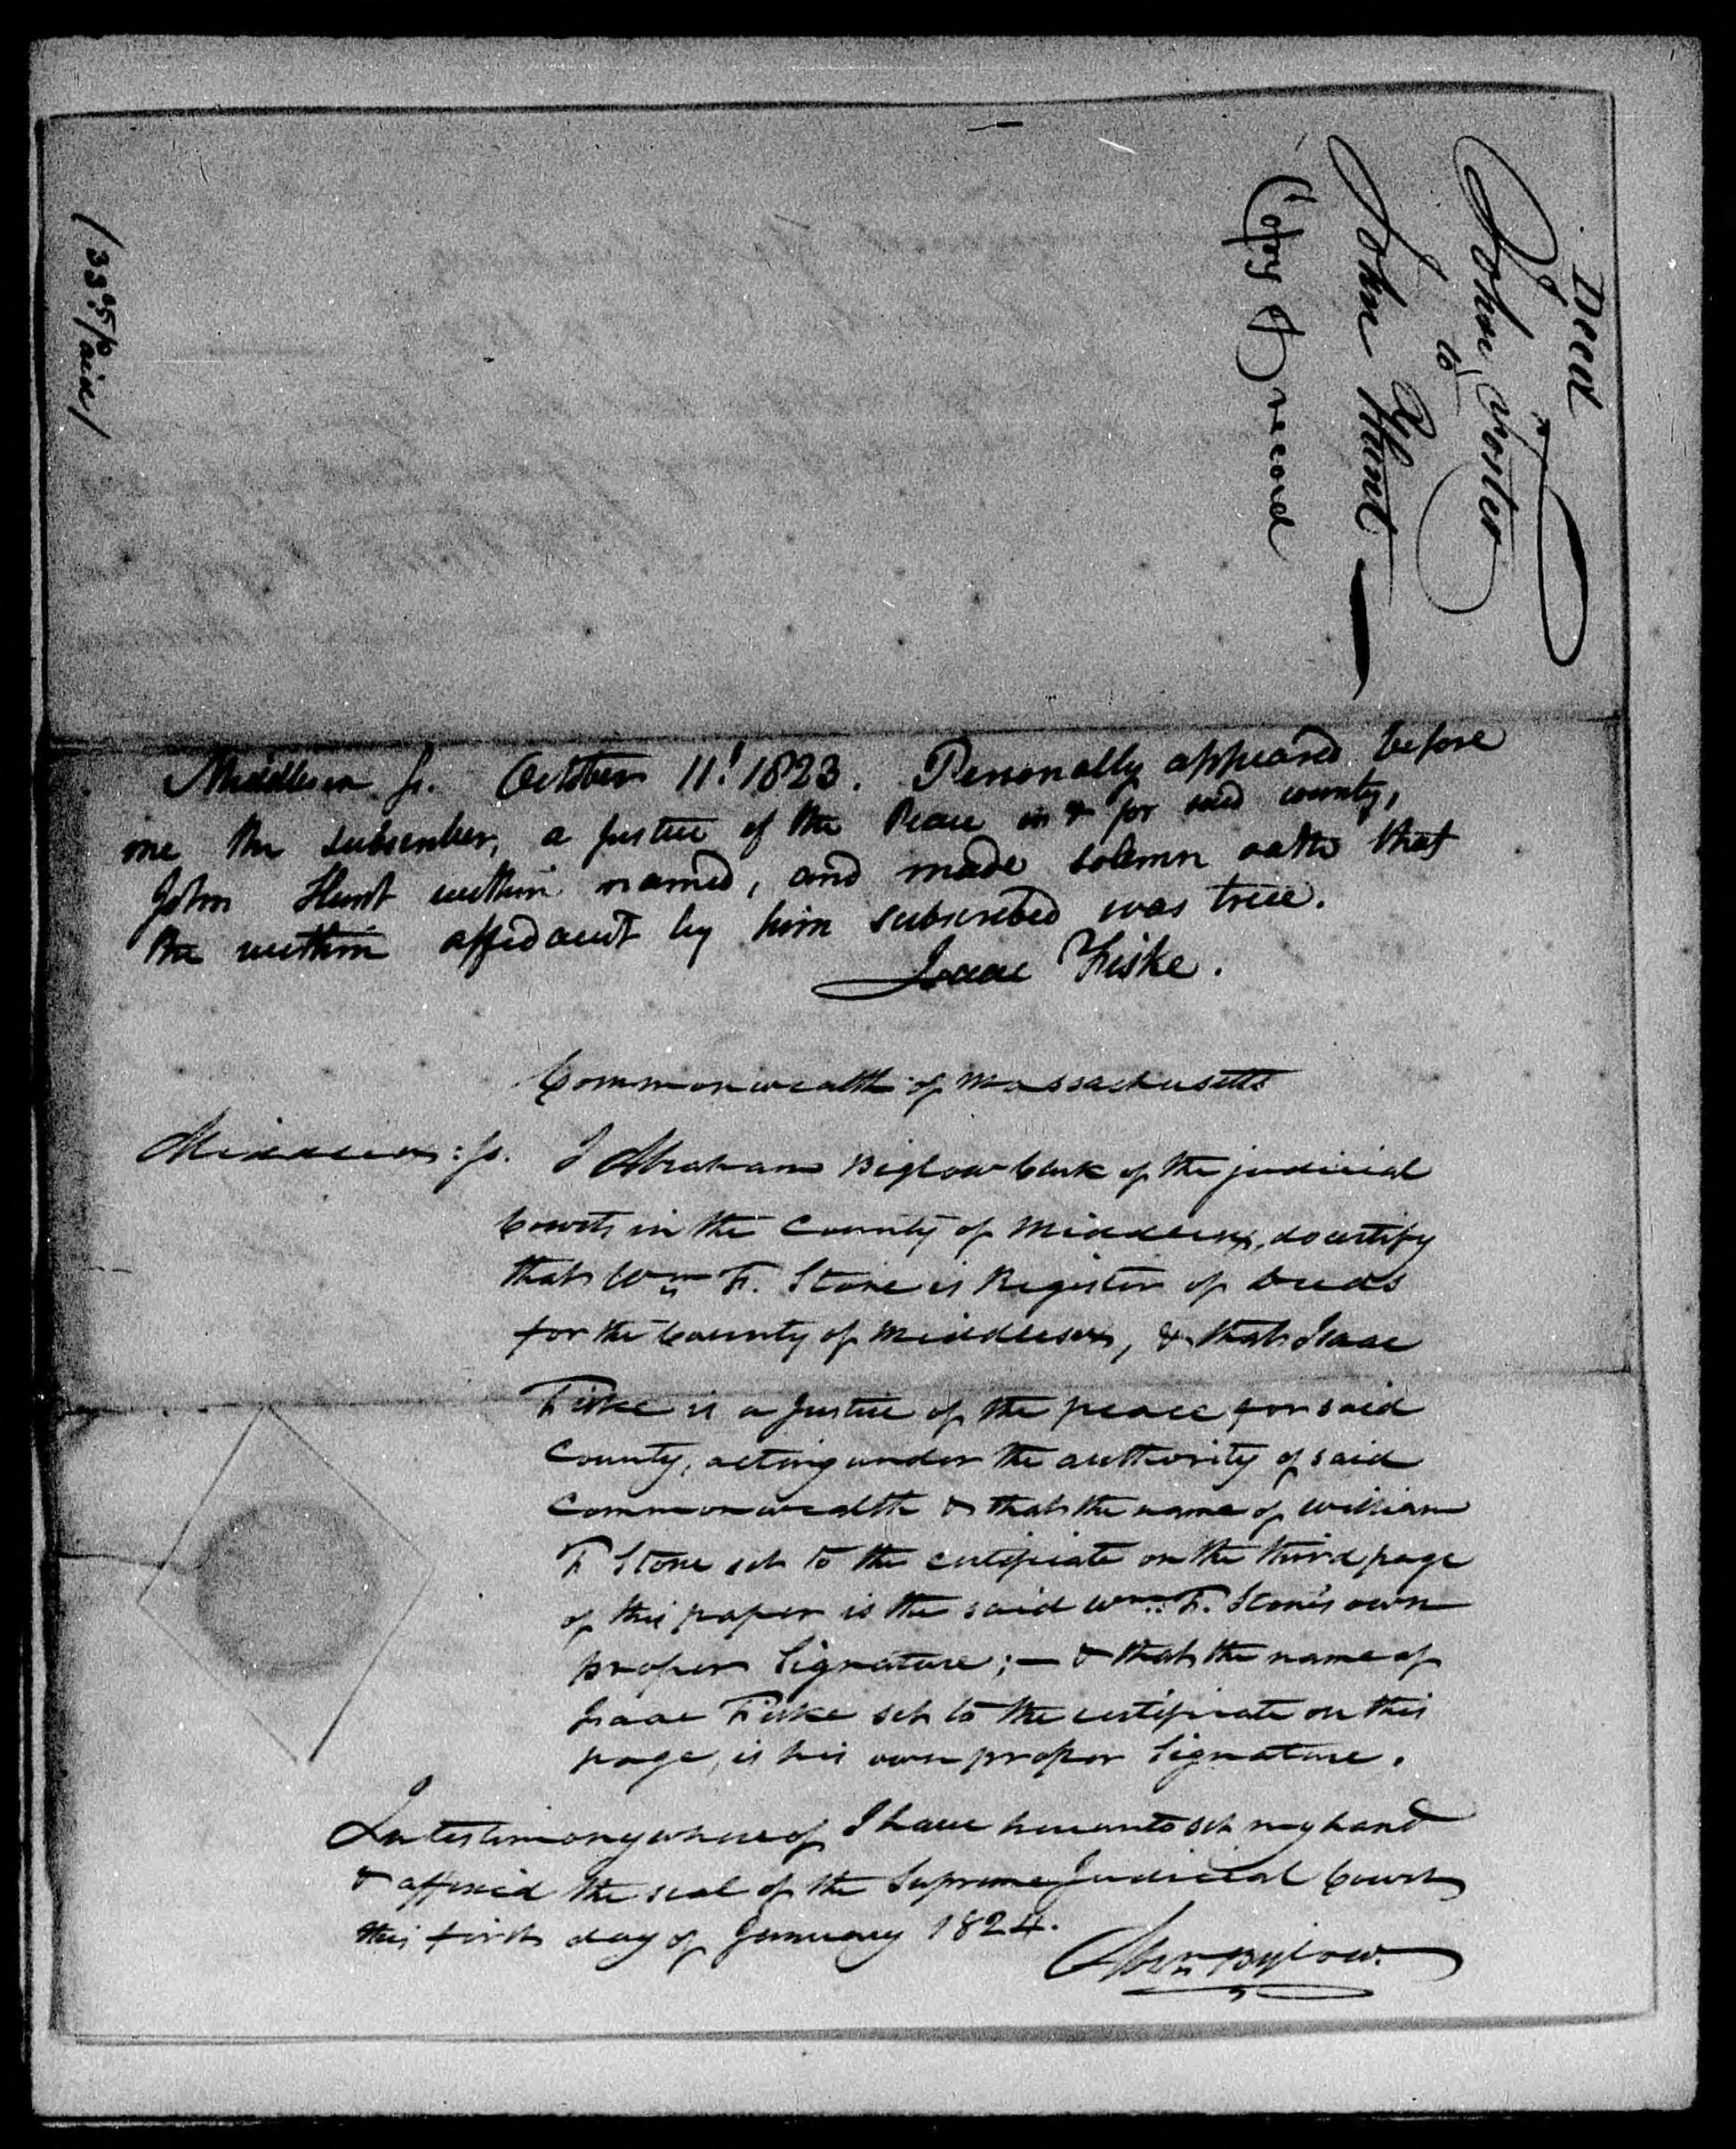Deed of John Foster to John Hunt Copy of Record 33.09 paid
Middlesex; Oct 11, 1823, Personally appeared before me the subscriber, a Justice of the Peace in and for said county, John Hunt within named, and made solemn oath that the within affidavit by him subscribed was true. Isaac Fiske
Commonwealth of Massachusetts
Middlesex: I, Abraham Biglow, Clerk of the judicial court in the county of Middlesex, do certify that William F. Stone is Register of Deeds for the County of Middlesex, and that Isaac Fiske is a Justice of the Peace for said County acting under the authority of said commonwealth and that the name of William F. Stone set to this certificate on the third page of these papers is the said William F Stone's own 
proper signature.
In testimony whereof I have hereunto set my hand and affixed the seal of the Supreme Judicial Court this 5th day of January 1824. Abraham Biglow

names: Isaac Fiske, John Foster, John Hunt, Isaac Fiske, Wm F Stone, Abraham Biglow, Isaac Fiske, Wm F Stone, William F Stone, John Hunt, Abrm Biglow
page: 47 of 47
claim: widow's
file: W. 7,302, John Foster, Continental Mass. R.I.